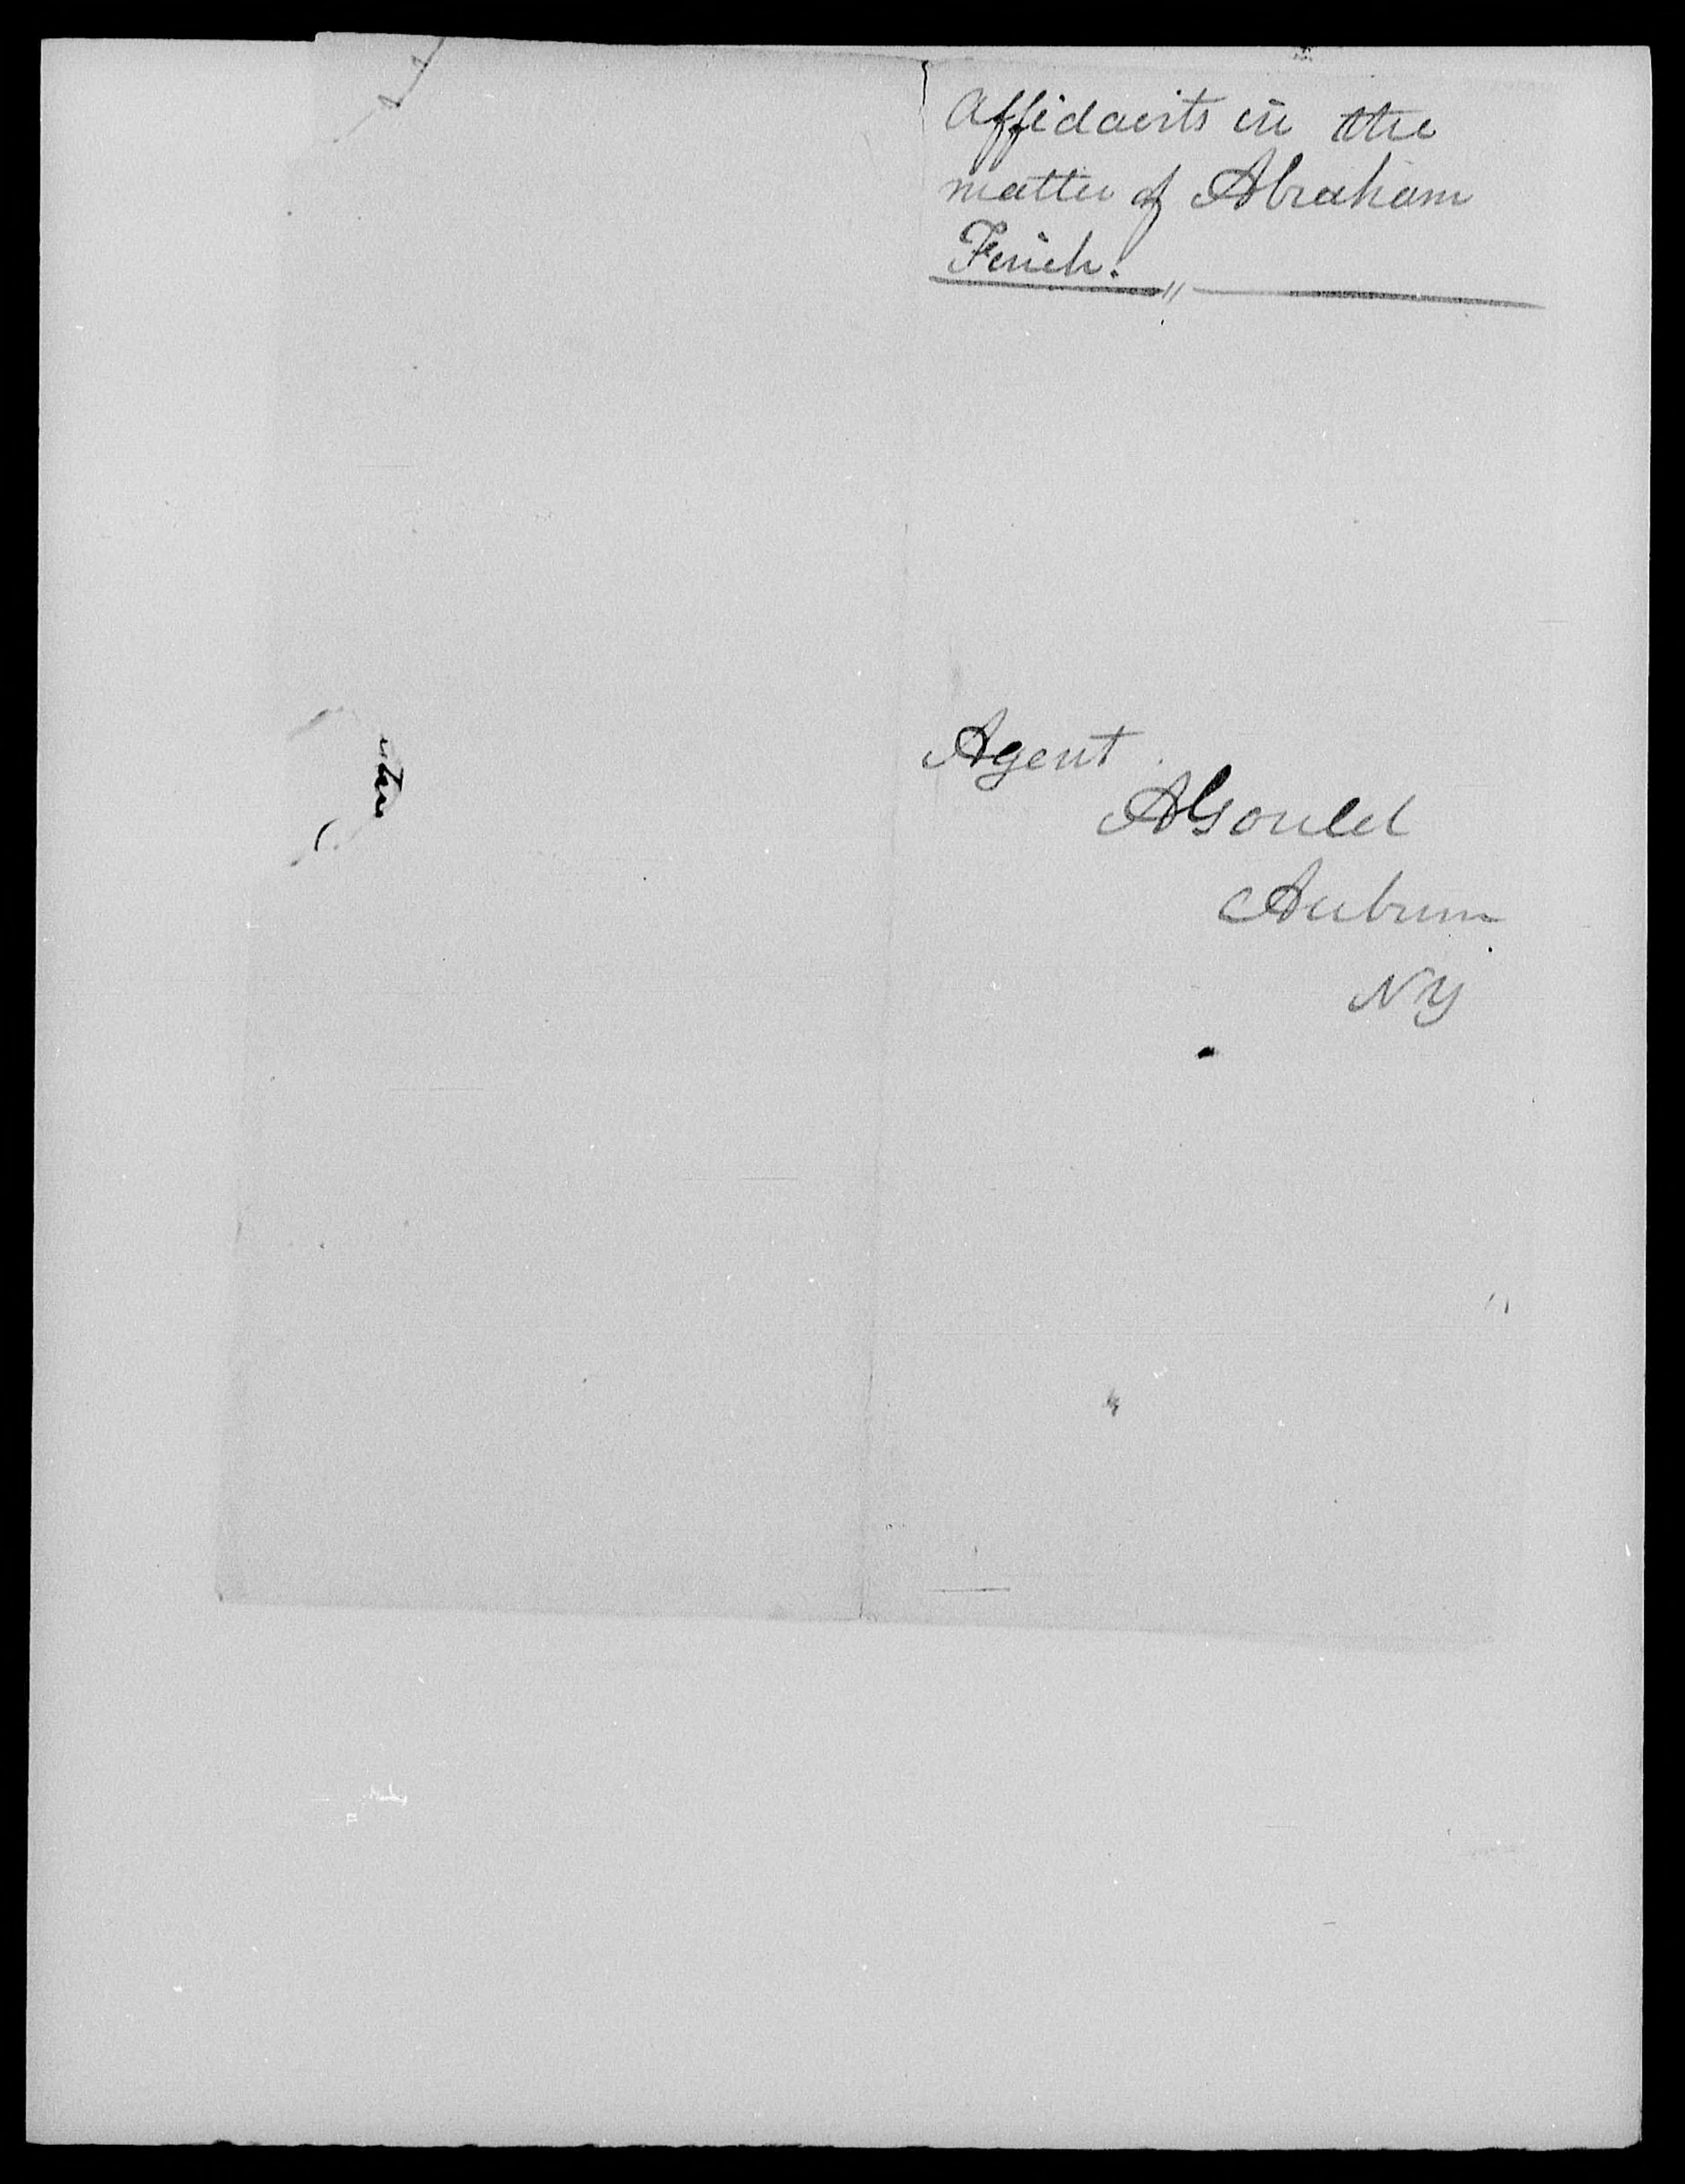Affidavits in the 
matter of Abraham
Finch.

Agent
A Gould
Auburn
NY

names: A Gould, Abraham Finch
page: 24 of 35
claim: survivor's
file: S. 28727, Abraham Finch, Conn.